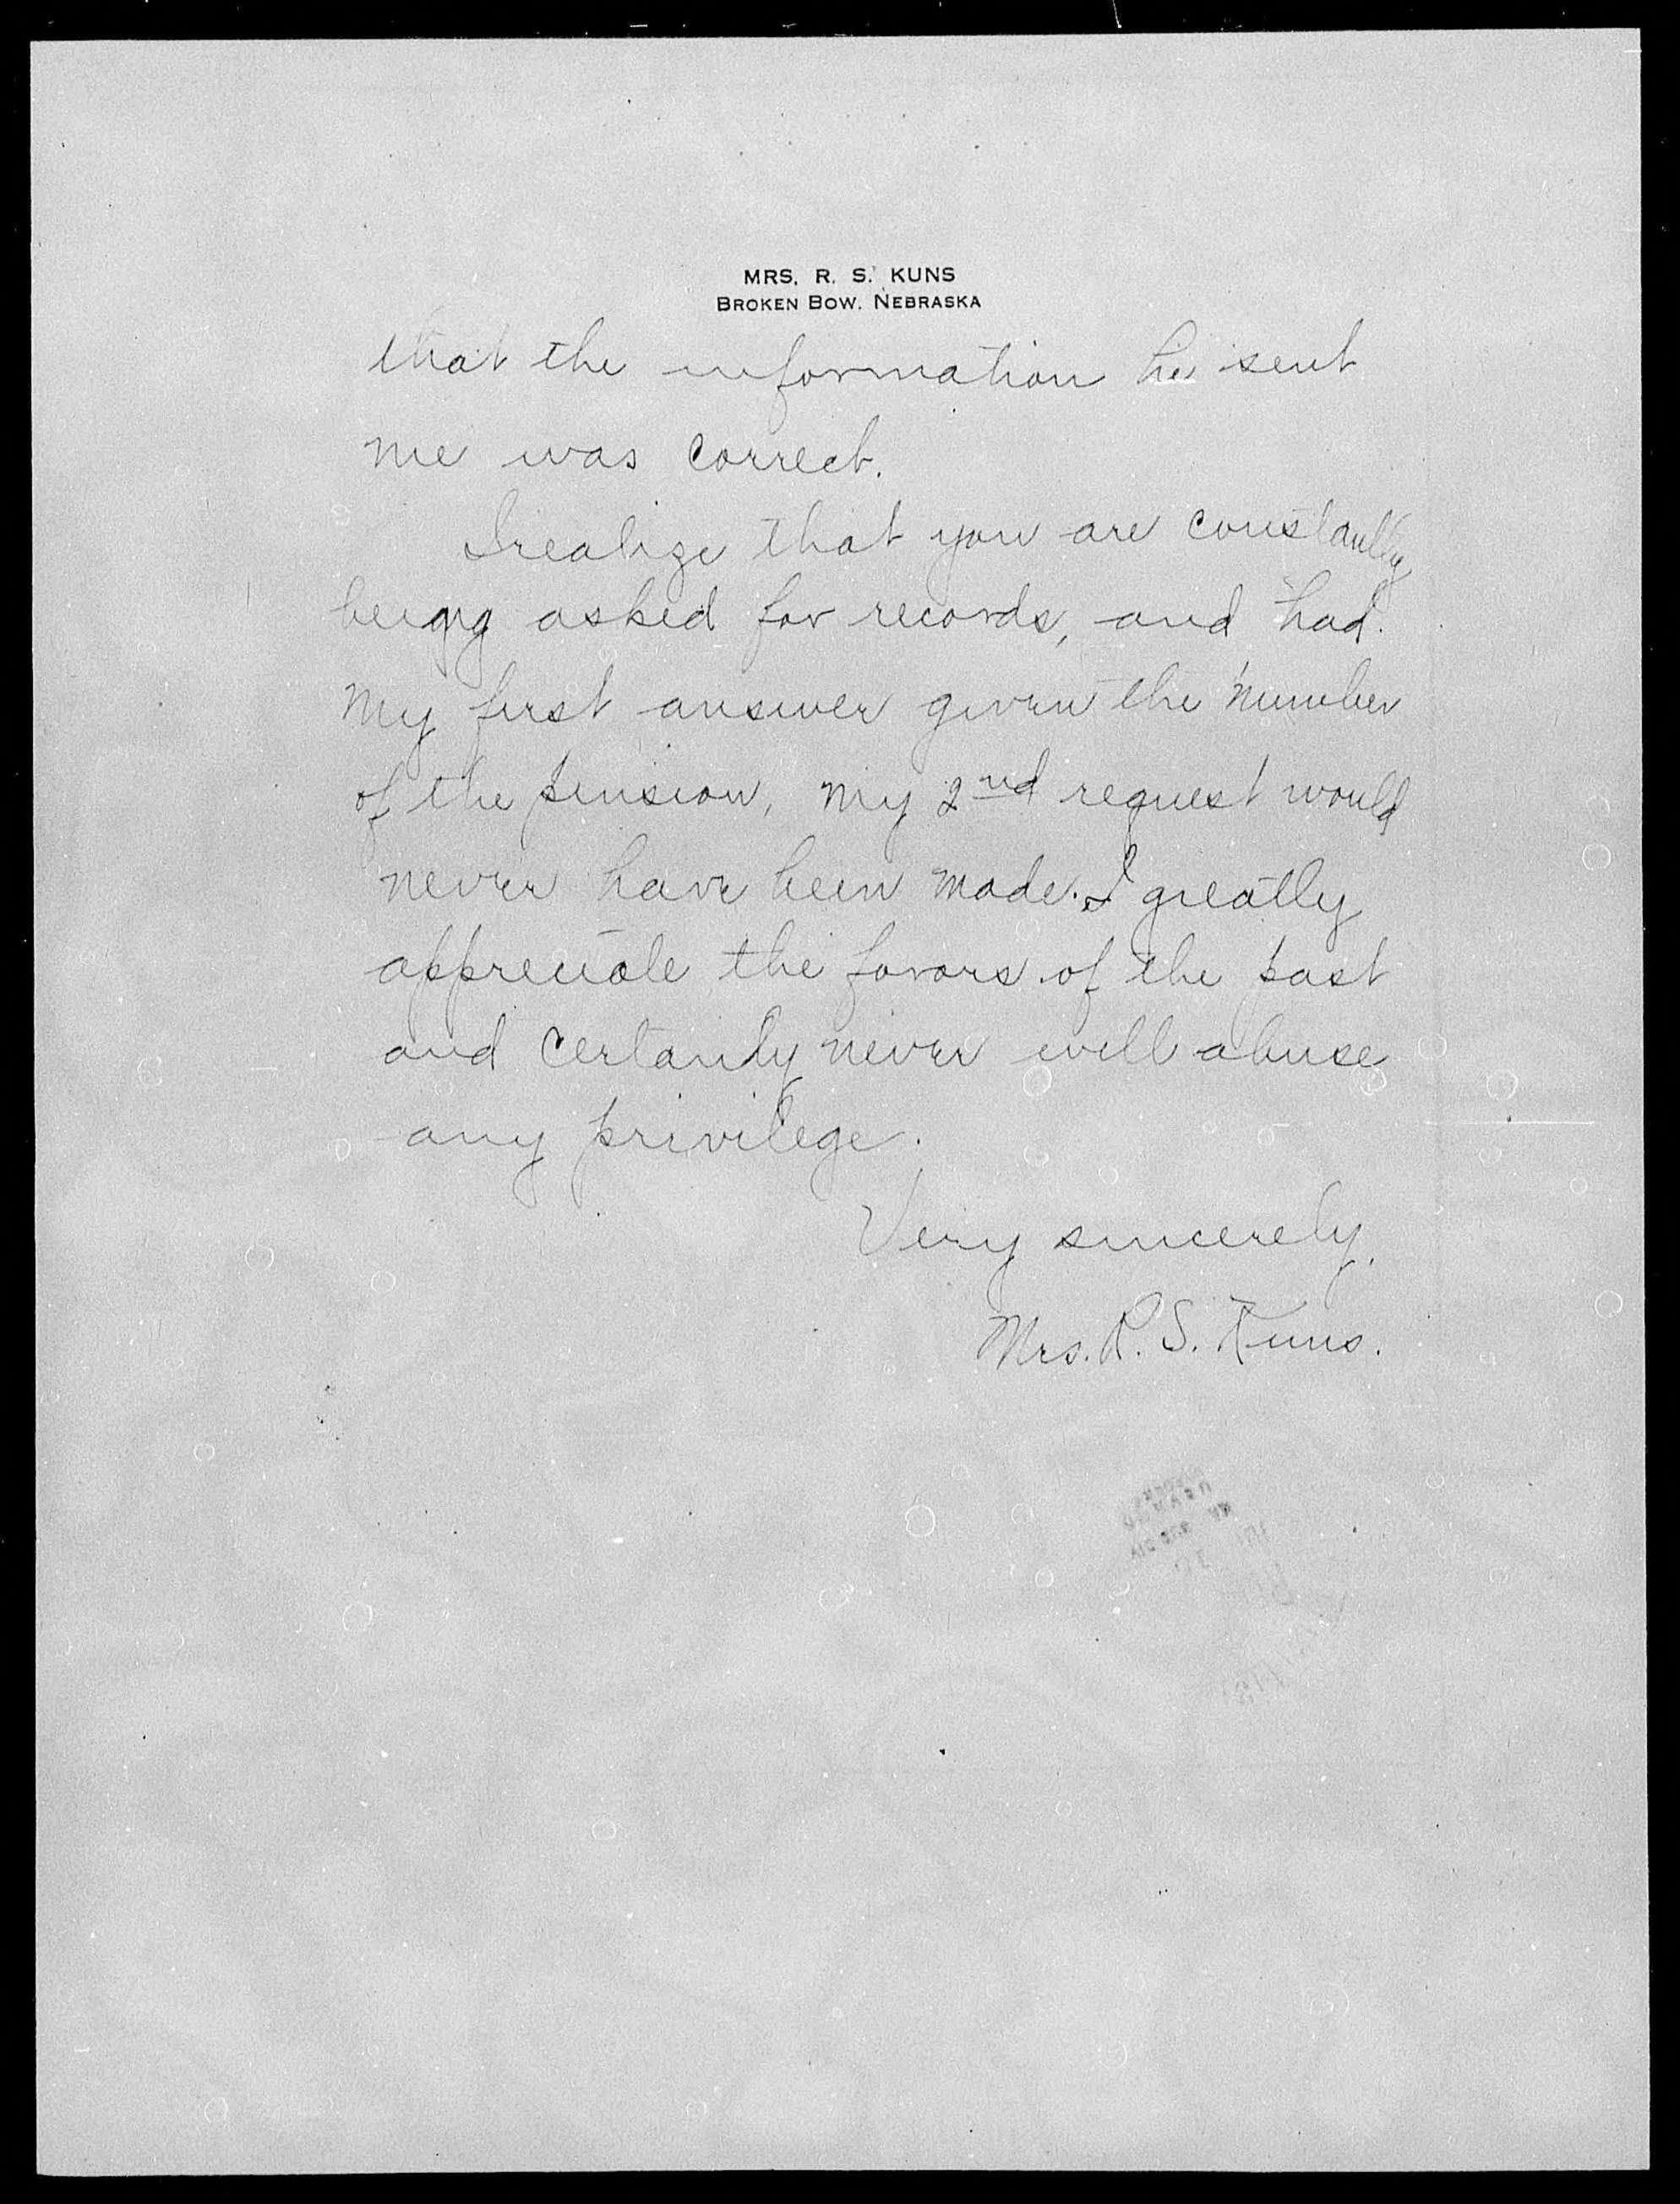MRS. R. S. KUNS
BROKEN BOW NEBRASKA
that the information he sent me was correct.
I realize that you are constantly being asked for records, and had my first answer given the number of the pension, my 2nd request would never have been made. I greatly appreciate the favors of the past and certainly never will abuse any privilege
Very sincerely
Mrs. R. S. Kuns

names: R S Kuns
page: 33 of 115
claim: survivor's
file: S. 699, for Charles Kilgore, Virginia